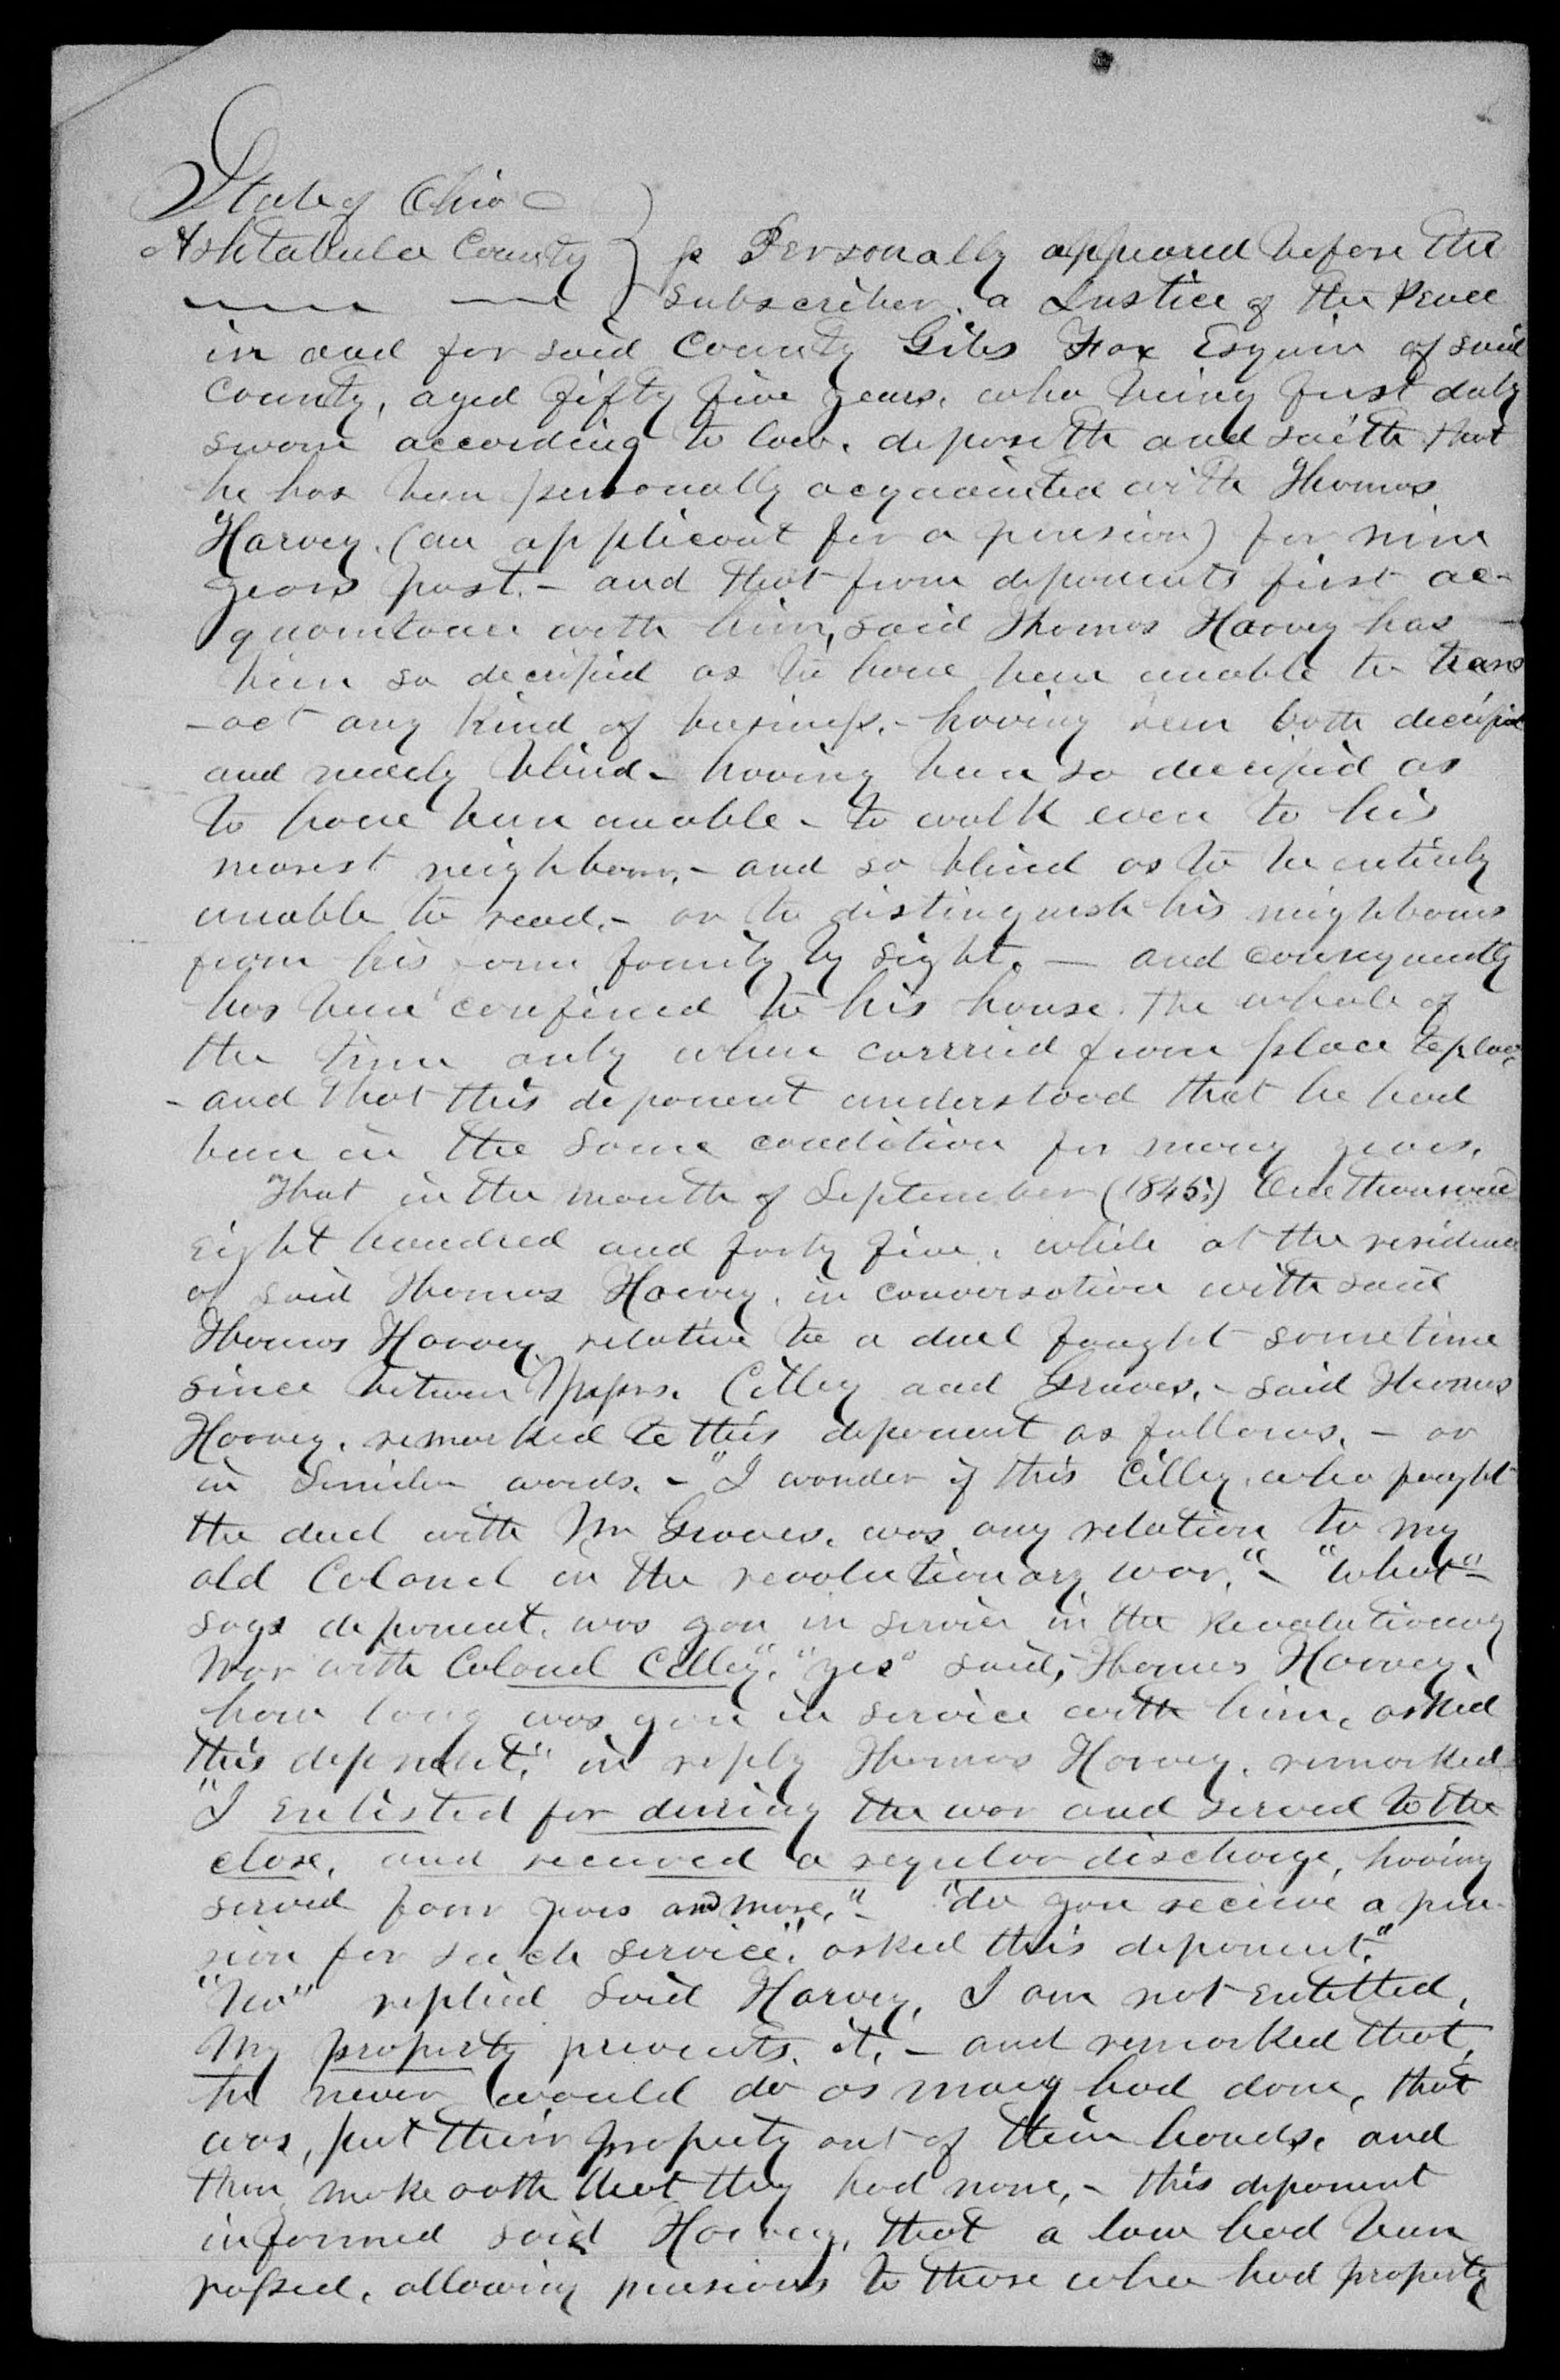State of Ohio
Ashtabula County}ss Personally appeared before the subscriber a Justice of the Peace in and for said County Giles Fox Esquire of said county, aged fifty five years, who being first duly sworn according to law, deposeth and saith that he has been personally acquainted with Thomas Harvey, (an applicant for a pension) for nine years past. - and that from deponent's first acquaintance with him, said Thomas Harvey has been so decripid (decrepit) as to have been unable to transact any kind of business. - having been both decripid and nearly blind - having been so decripid as to have been unable to walk even to his nearest neighbor. - and so blind as to be entirely unable to read. - or to distinguish his neighbours from his own family by sight. - and consequently has been confined to his house. The whole of the time only when carried from place to place - and that this deponent understood that he had been in the same condition for many years. 
That in the month of September (1845) One Thousand eight hundred and forty five, while at the residence of said Thomas Harvey, in conversation with said Thomas Harvey, relative to a duel  fought some time since between Majors Cilley and Graves. - said Thomas Harvey, remarked to this deponent as follows. - or in similar words. - "I wonder if this Cilley, who fought the duel with Mr. Graves, was any relation to my old Colonel in the revolutionary war," - "what" says deponent was gone in service in the Revolutionary War with Colonel Cilley", "yes" said Thomas Harvey. How long was you in service with him, asked this deponent," in reply Thomas Harvey remarked "I enlisted for during the war and served to the close, and received a regular discharge, having served four years or more," - "do you receive a pension for such service," asked this deponent," "No" replied said Harvey, I am not entitled. My property prevents it, - and remarked that he never would do as many had done, that was, put their property out of their hands, and then make oath that they had none. - this deponent informed said Harvey, that a law had been passed, allowing pensions to those who had property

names: Thomas Harvey, Graves, Thomas Harvey, Cilley, Cilley, Thomas Harvey, Graves, Cilley, Thomas Harvey, Thomas Harvey, Thomas Harvey, Giles Fox, Harvey, Thomas Harvey, Harvey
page: 54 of 80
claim: survivor's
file: S. 18008, Thomas Harvey, N.H.